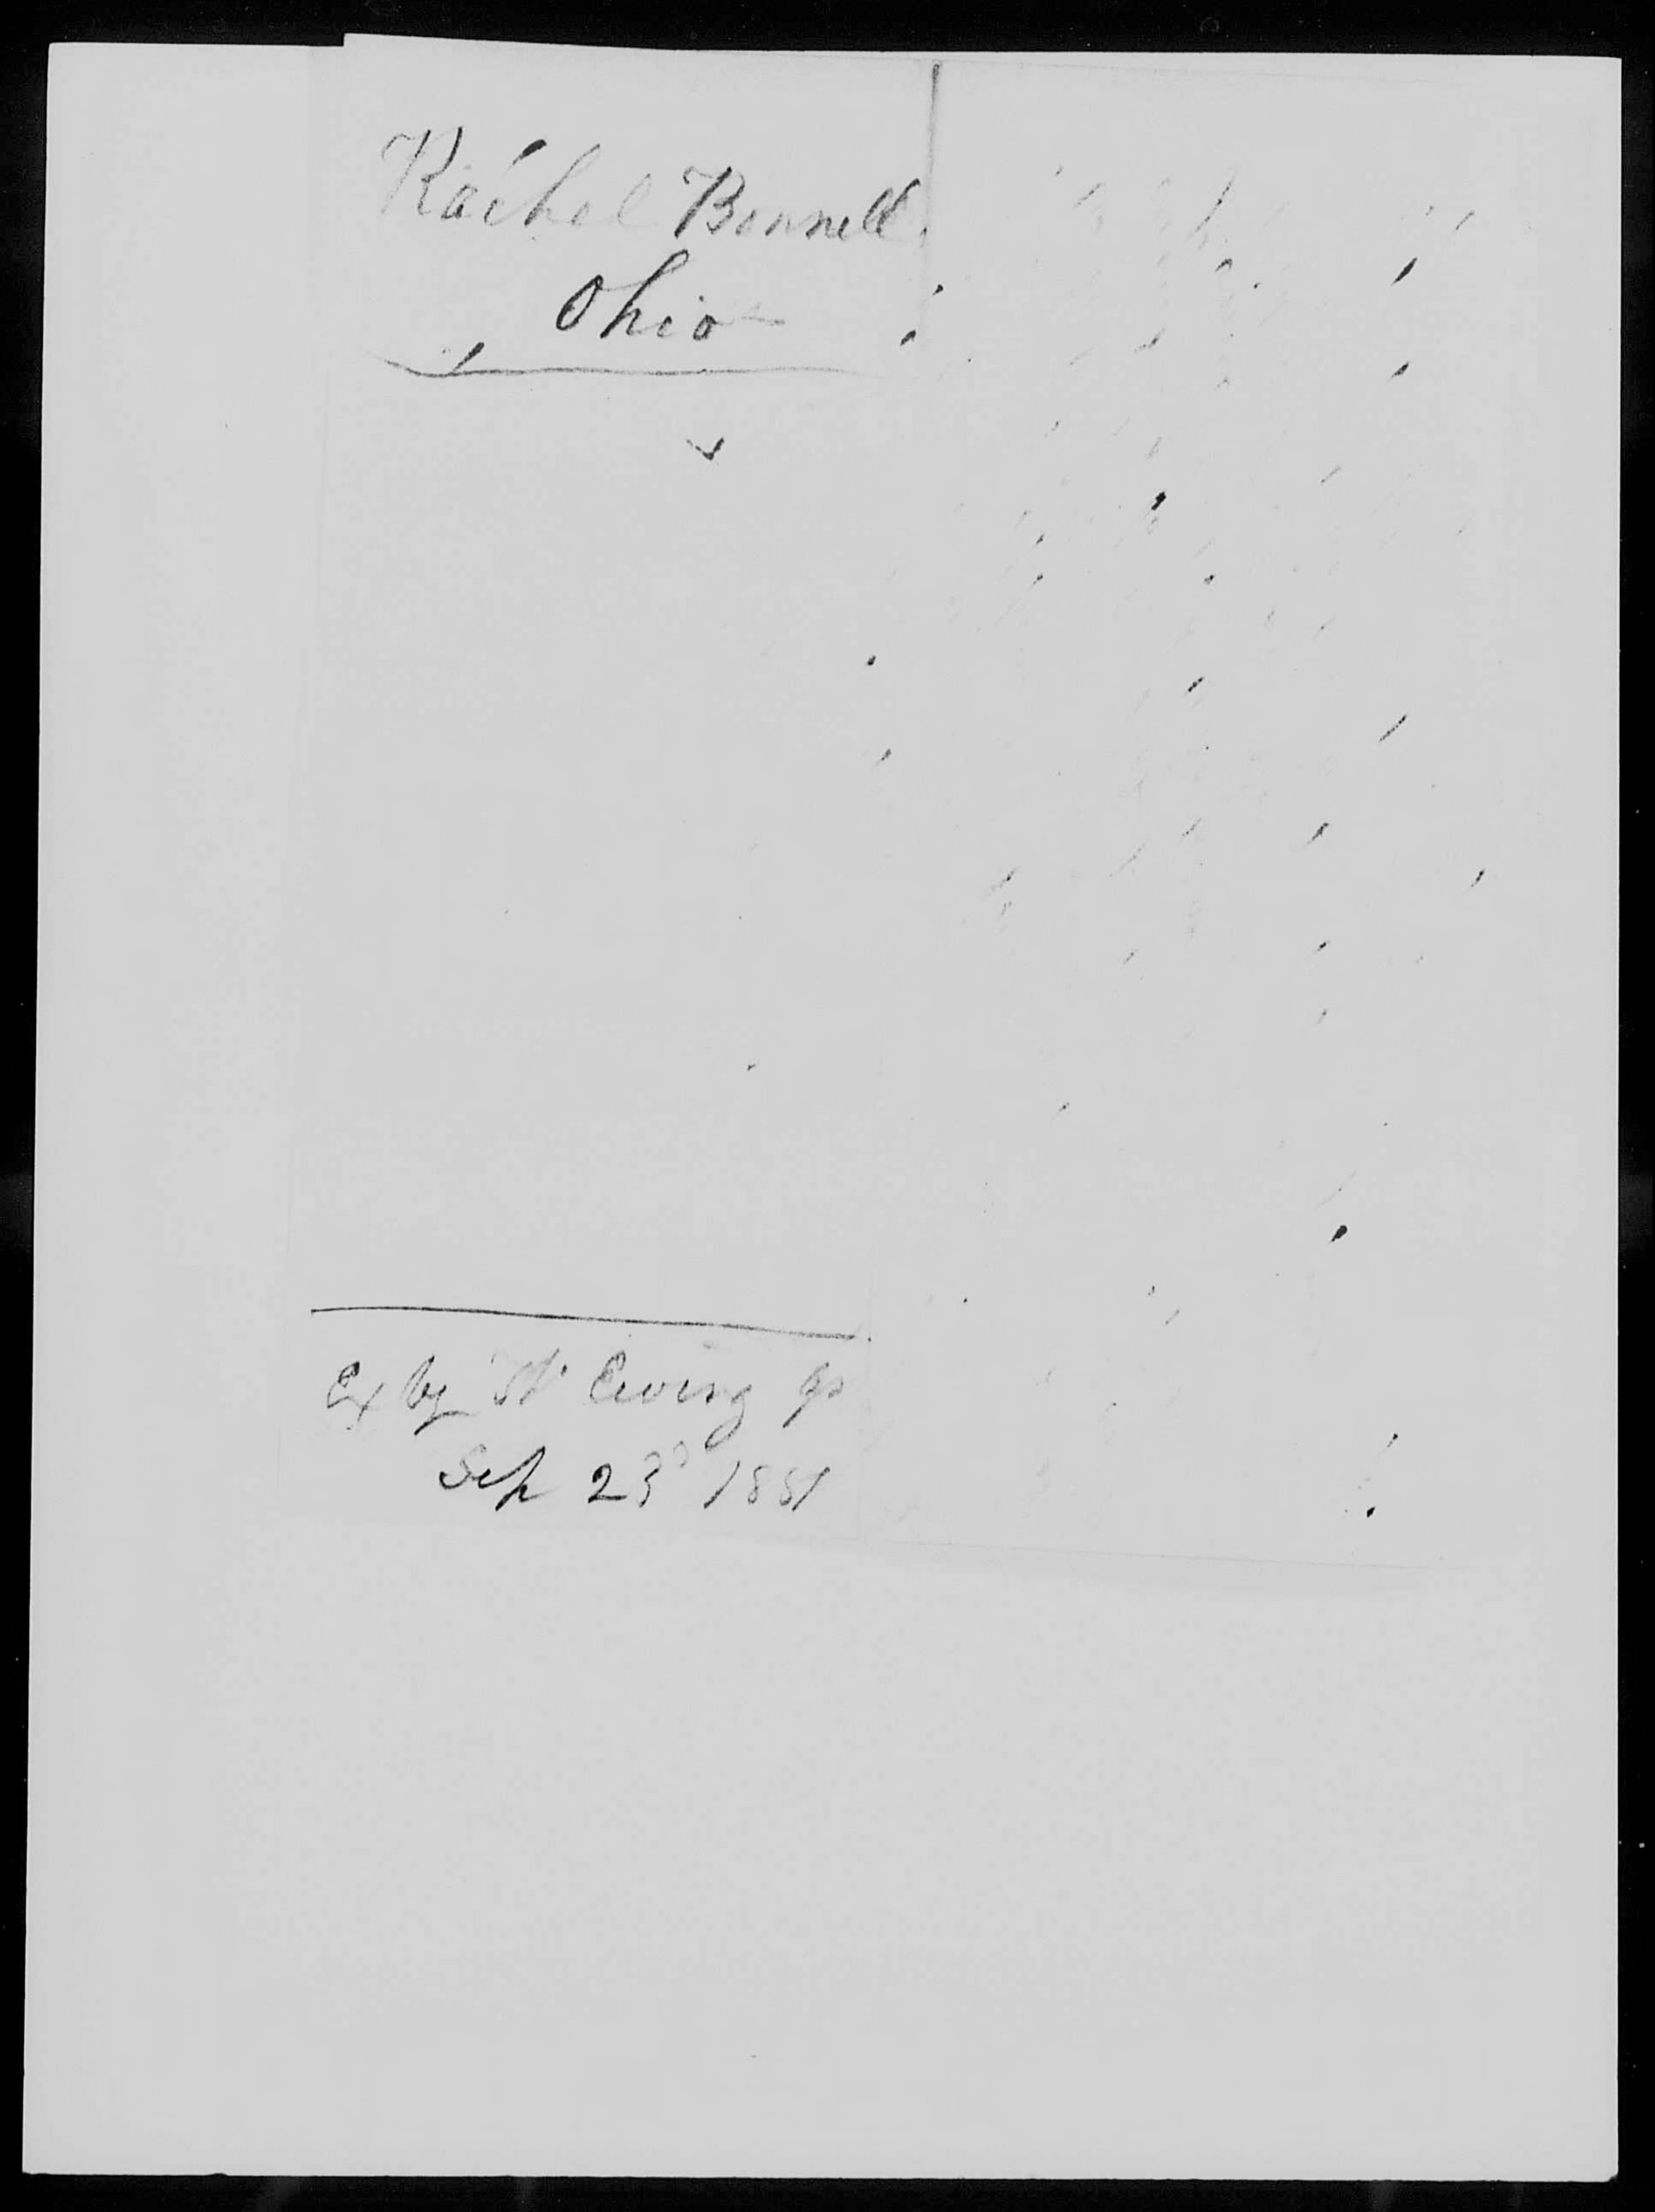Rachel Bonnell
Ohio

Ex by W Ewing Jr.
Sept 23 1851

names: W Ewing, Rachel Bonnell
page: 55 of 67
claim: rejected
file: R. 1009, Aaron Bonnel, New Jersey